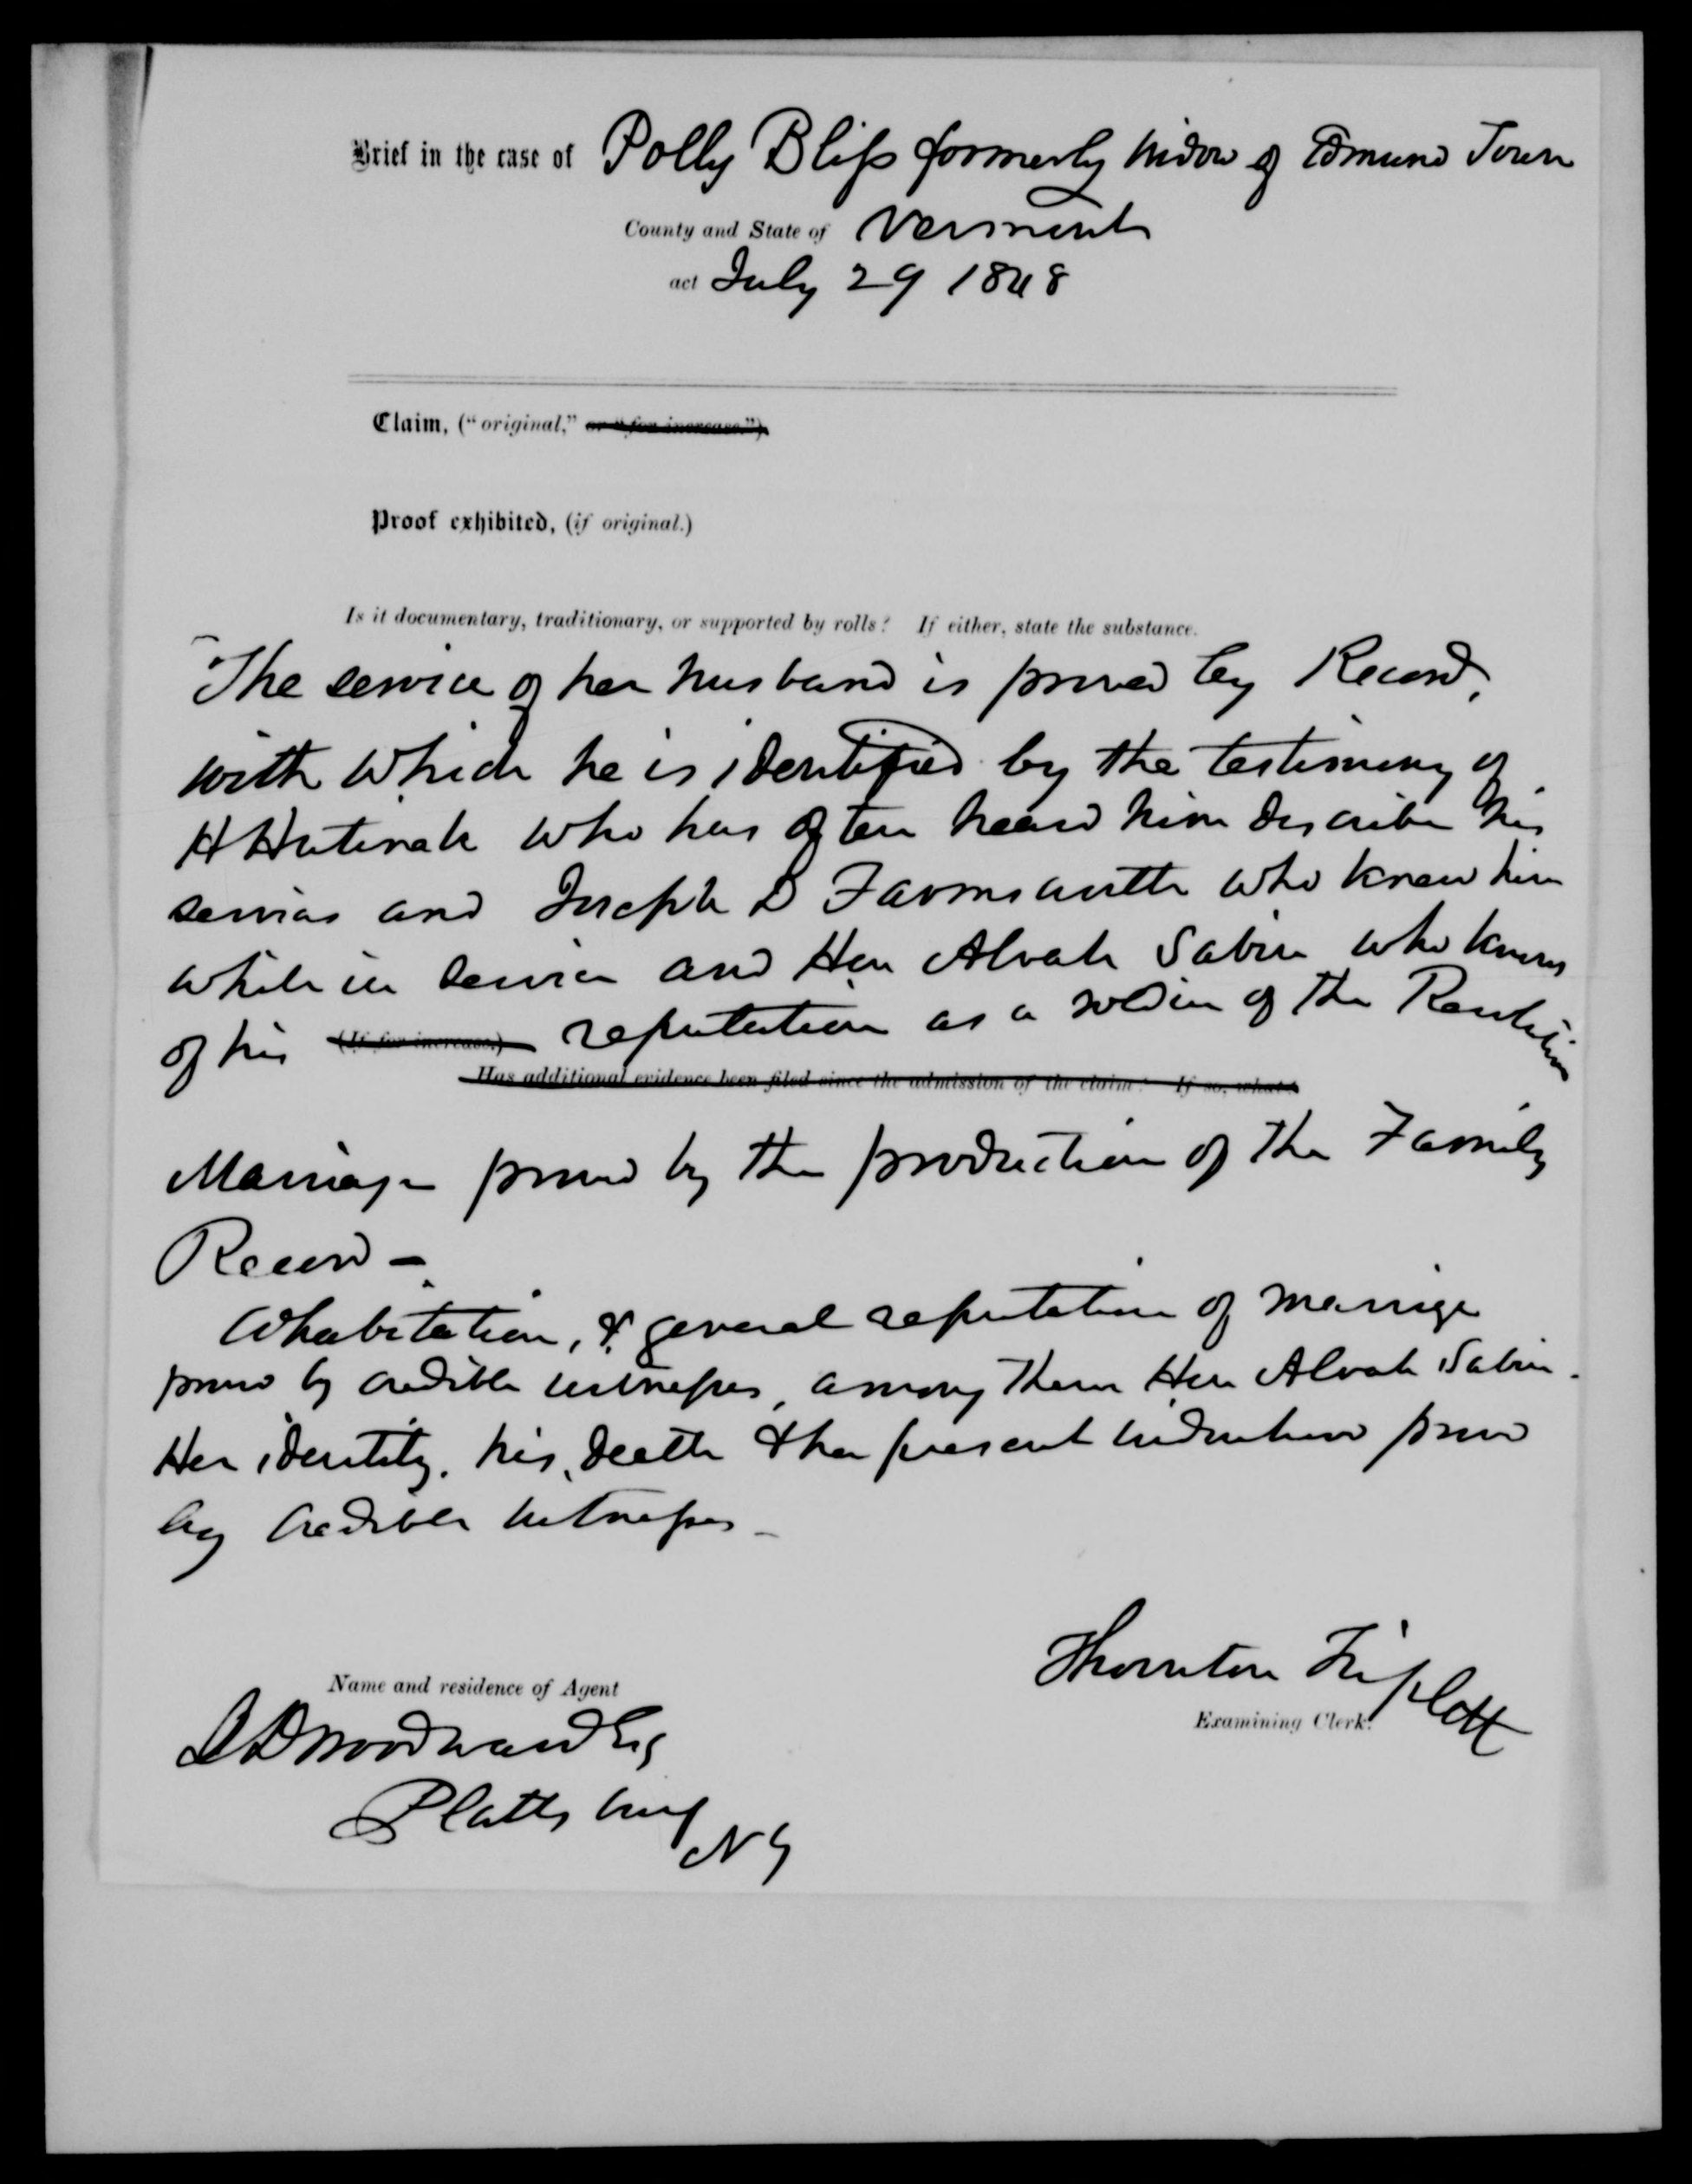Brief in the case of Polly Bliss formerly widow of Edmund Town
County and State of Vermont
act July 29, 1848

Claim, original
Proof exhibited (if original)
Is it documentary, traditionary, or supported by rolls? If either, state the substance.
The service of her husband is proved by Record, with which he is identified by the testimony of H. Hutinak who has often heard him describe his service and Joseph D. Farnsworth who knew him while in service and Hon. Alvah Sabin who knows of his reputation as a soldier of the Revolution.
Marriage proved by the production of the Family Record.
Cohabitation & general reputation of marriage proved by credible witnesses among them Hon. Alvah Sabin. Her identity, his death & her present widowhood proved by credible witnesses.
Thornton Triplett
Examining Clerk

Name and residence of Agent
J. D. Woodward
Plattsburg N.Y.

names: Edmund Town, Thornton Triplett, Polly Bliss, H Hutinak, Joseph D Farnsworth, J D Woodward, Alvah Sabin, Alvah Sabin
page: 34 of 64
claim: widow's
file: W. 5831, Edmund Town, Mass.